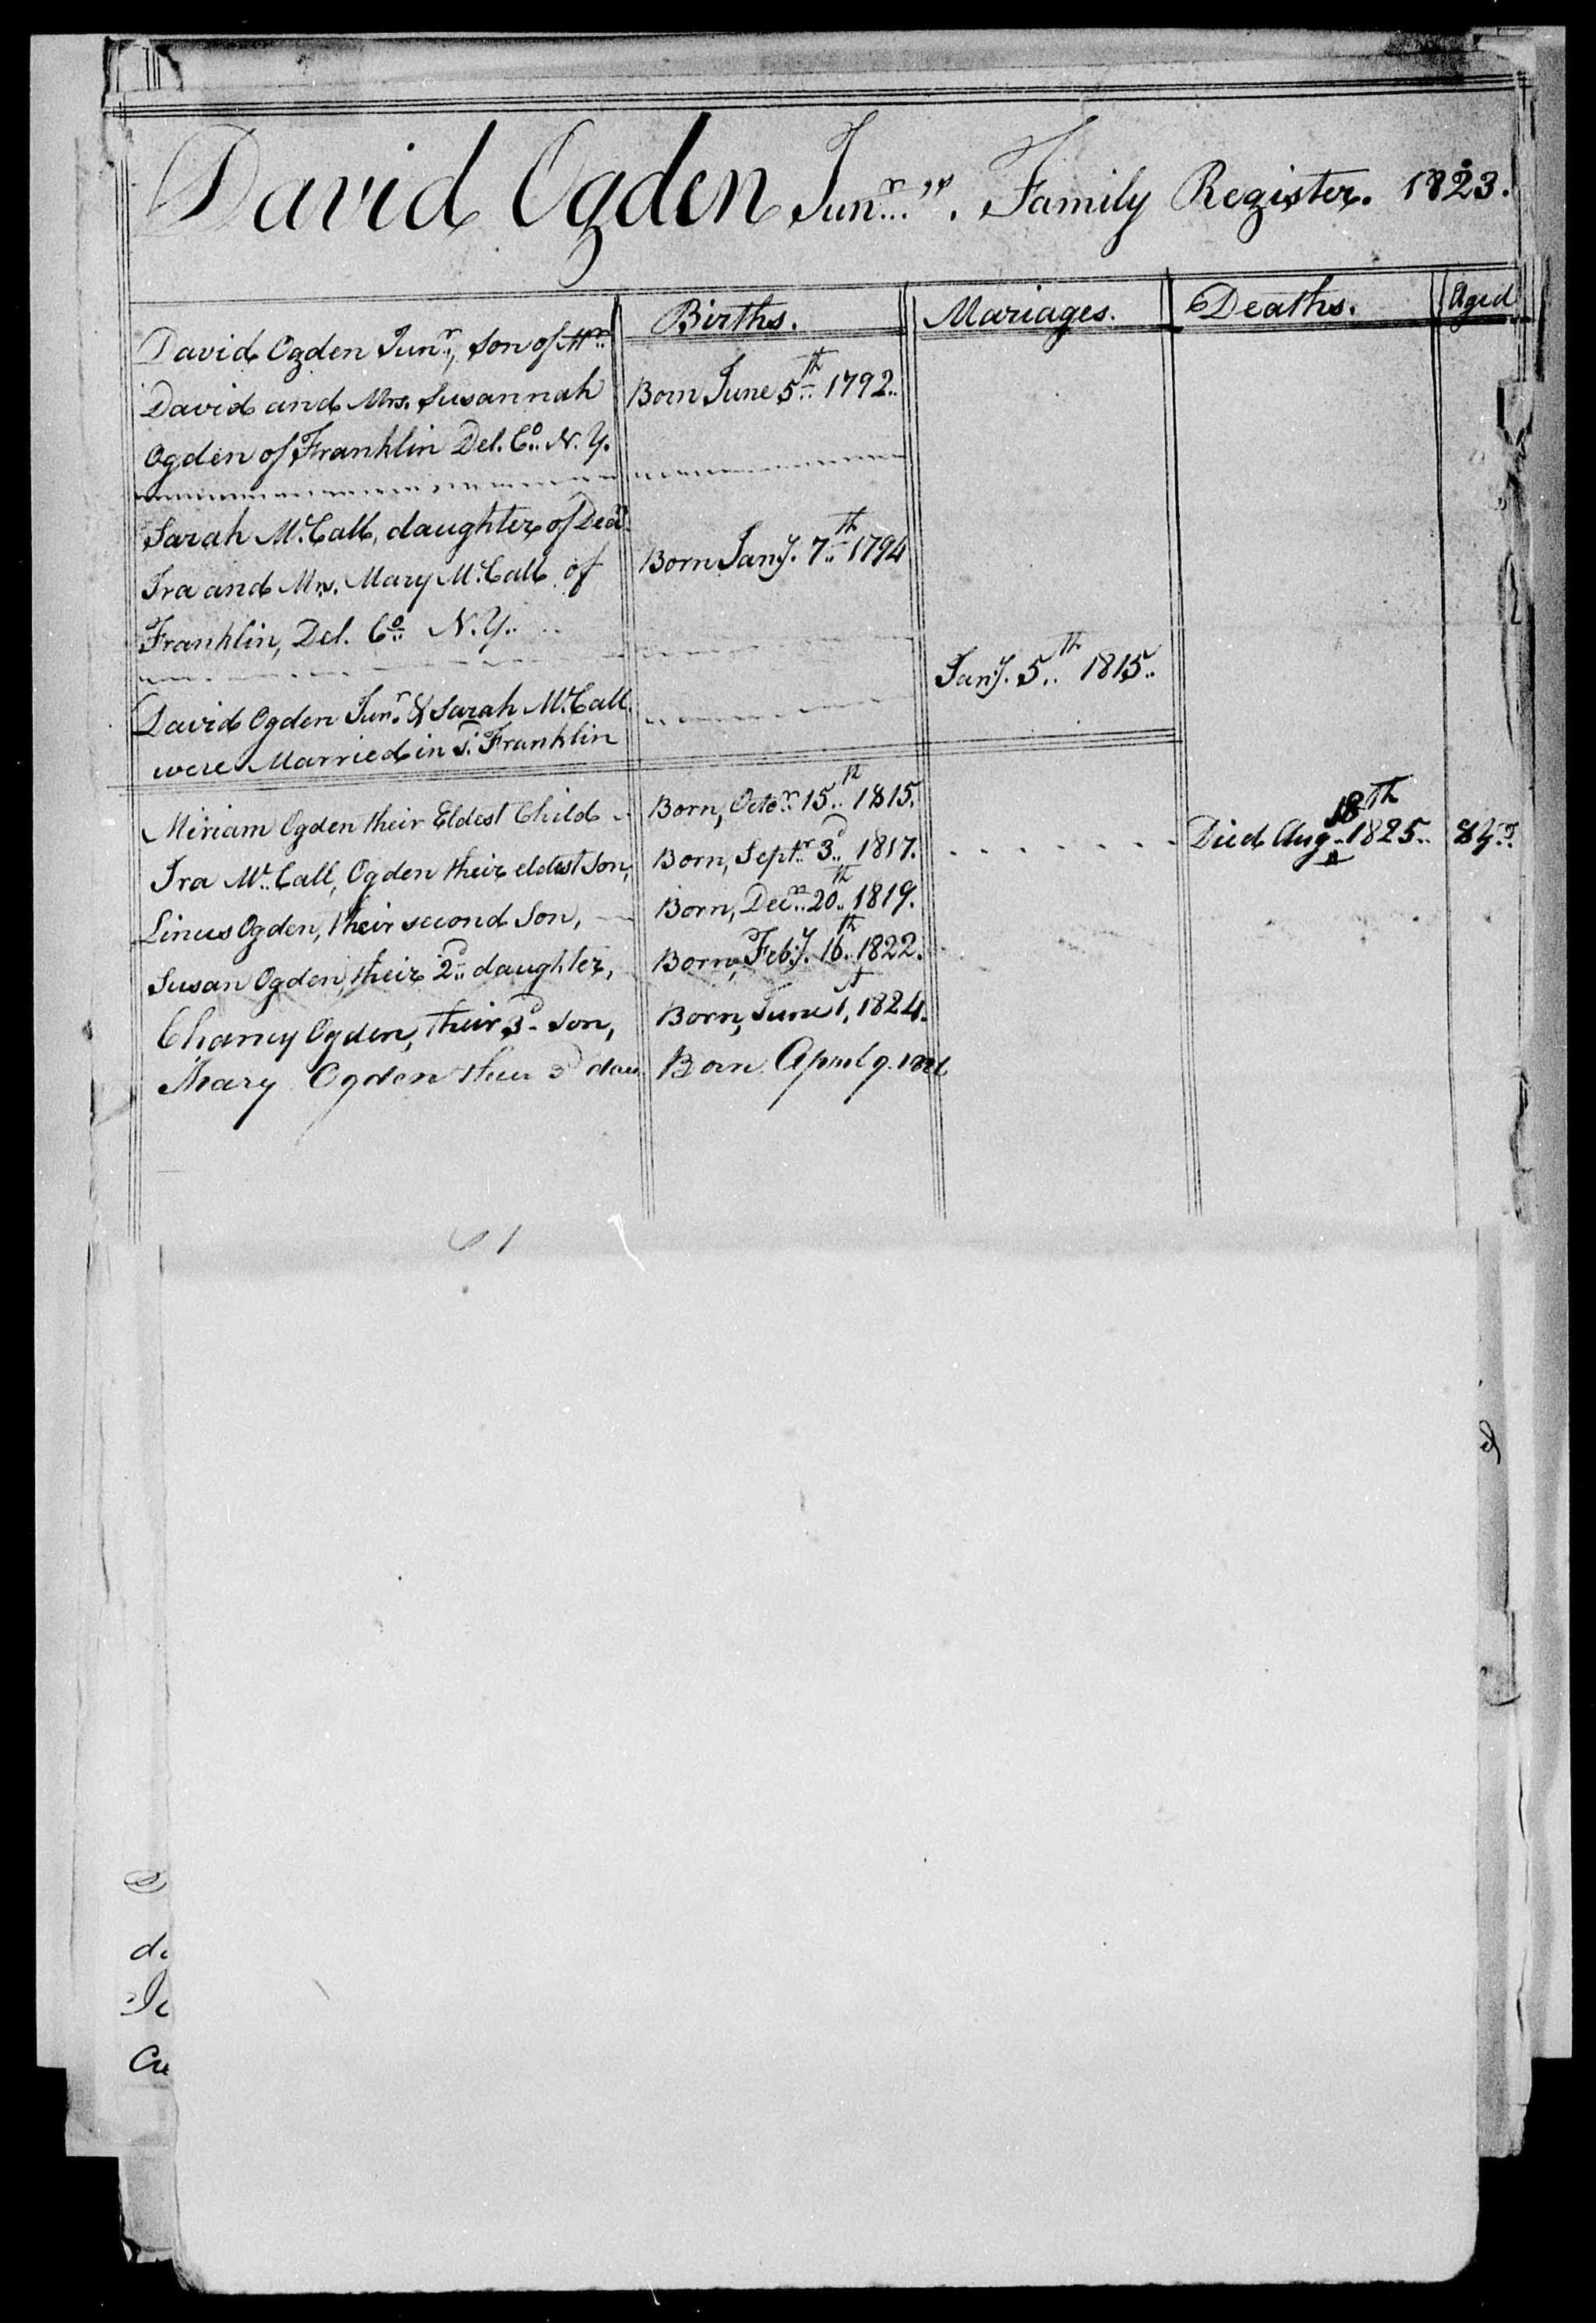David Ogden Junr. Family Register. 1823.

[Table Headings: 1. [Name] - 2. Births. - 3. Marriages. - 4. Deaths. - 5. Aged]

1. David Ogden Junr Son of Mr. David and Mrs. Susannah Ogden of Franklin Del. Co. N. Y. - Born June 5th, 1792. - [Blank] - [Blank] - [Blank]

2. Sarah M. Call, daughter of Decd. Ira and Mrs. Mary M. Call of Franklin, Del. Co. N.Y. - Born Jany. 7th 1794. - [Blank] - [Blank] - [Blank]

3. David Ogden Junr & Sarah M. Call were Married in S. Franklin . - [Blank] - Jany. 5th 1815. - [Blank] - [Blank]

3. Miriam Ogden their Eldest Child - Born Octr 15th, 1815. - [Blank] - [Blank] - [Blank]

4. Ira McCall, Ogden their eldest son - Born Sept 3 1817.  - [Blank] - Died Aug. 18th, 1825 - 8 yrs.

5. Linus Ogden, their second son, - Born Decr 20th 1819. - [Blank] - [Blank] - [Blank]

6. Susan Ogden, their 2d daughter, - Born Feby. 16th. 1822. - [Blank] - [Blank] - [Blank]

7. Chancy Ogden, their 3d son, - Born June 1, 1824. - [Blank] - [Blank] - [Blank]

8. Mary Ogden their 3rd dau. - Born April 9, 1826. - [Blank] - [Blank] - [Blank]
[End Table]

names: Chancy Ogden; David Ogden; Mary Ogden; Ira Mc Call; Mary Mc Call; Susannah Ogden; Sarah Mc Call; Susan Ogden; Meriam Ogden; Linus Ogden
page: 9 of 40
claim: widow's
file: W. 24364, for David Ogden, New York